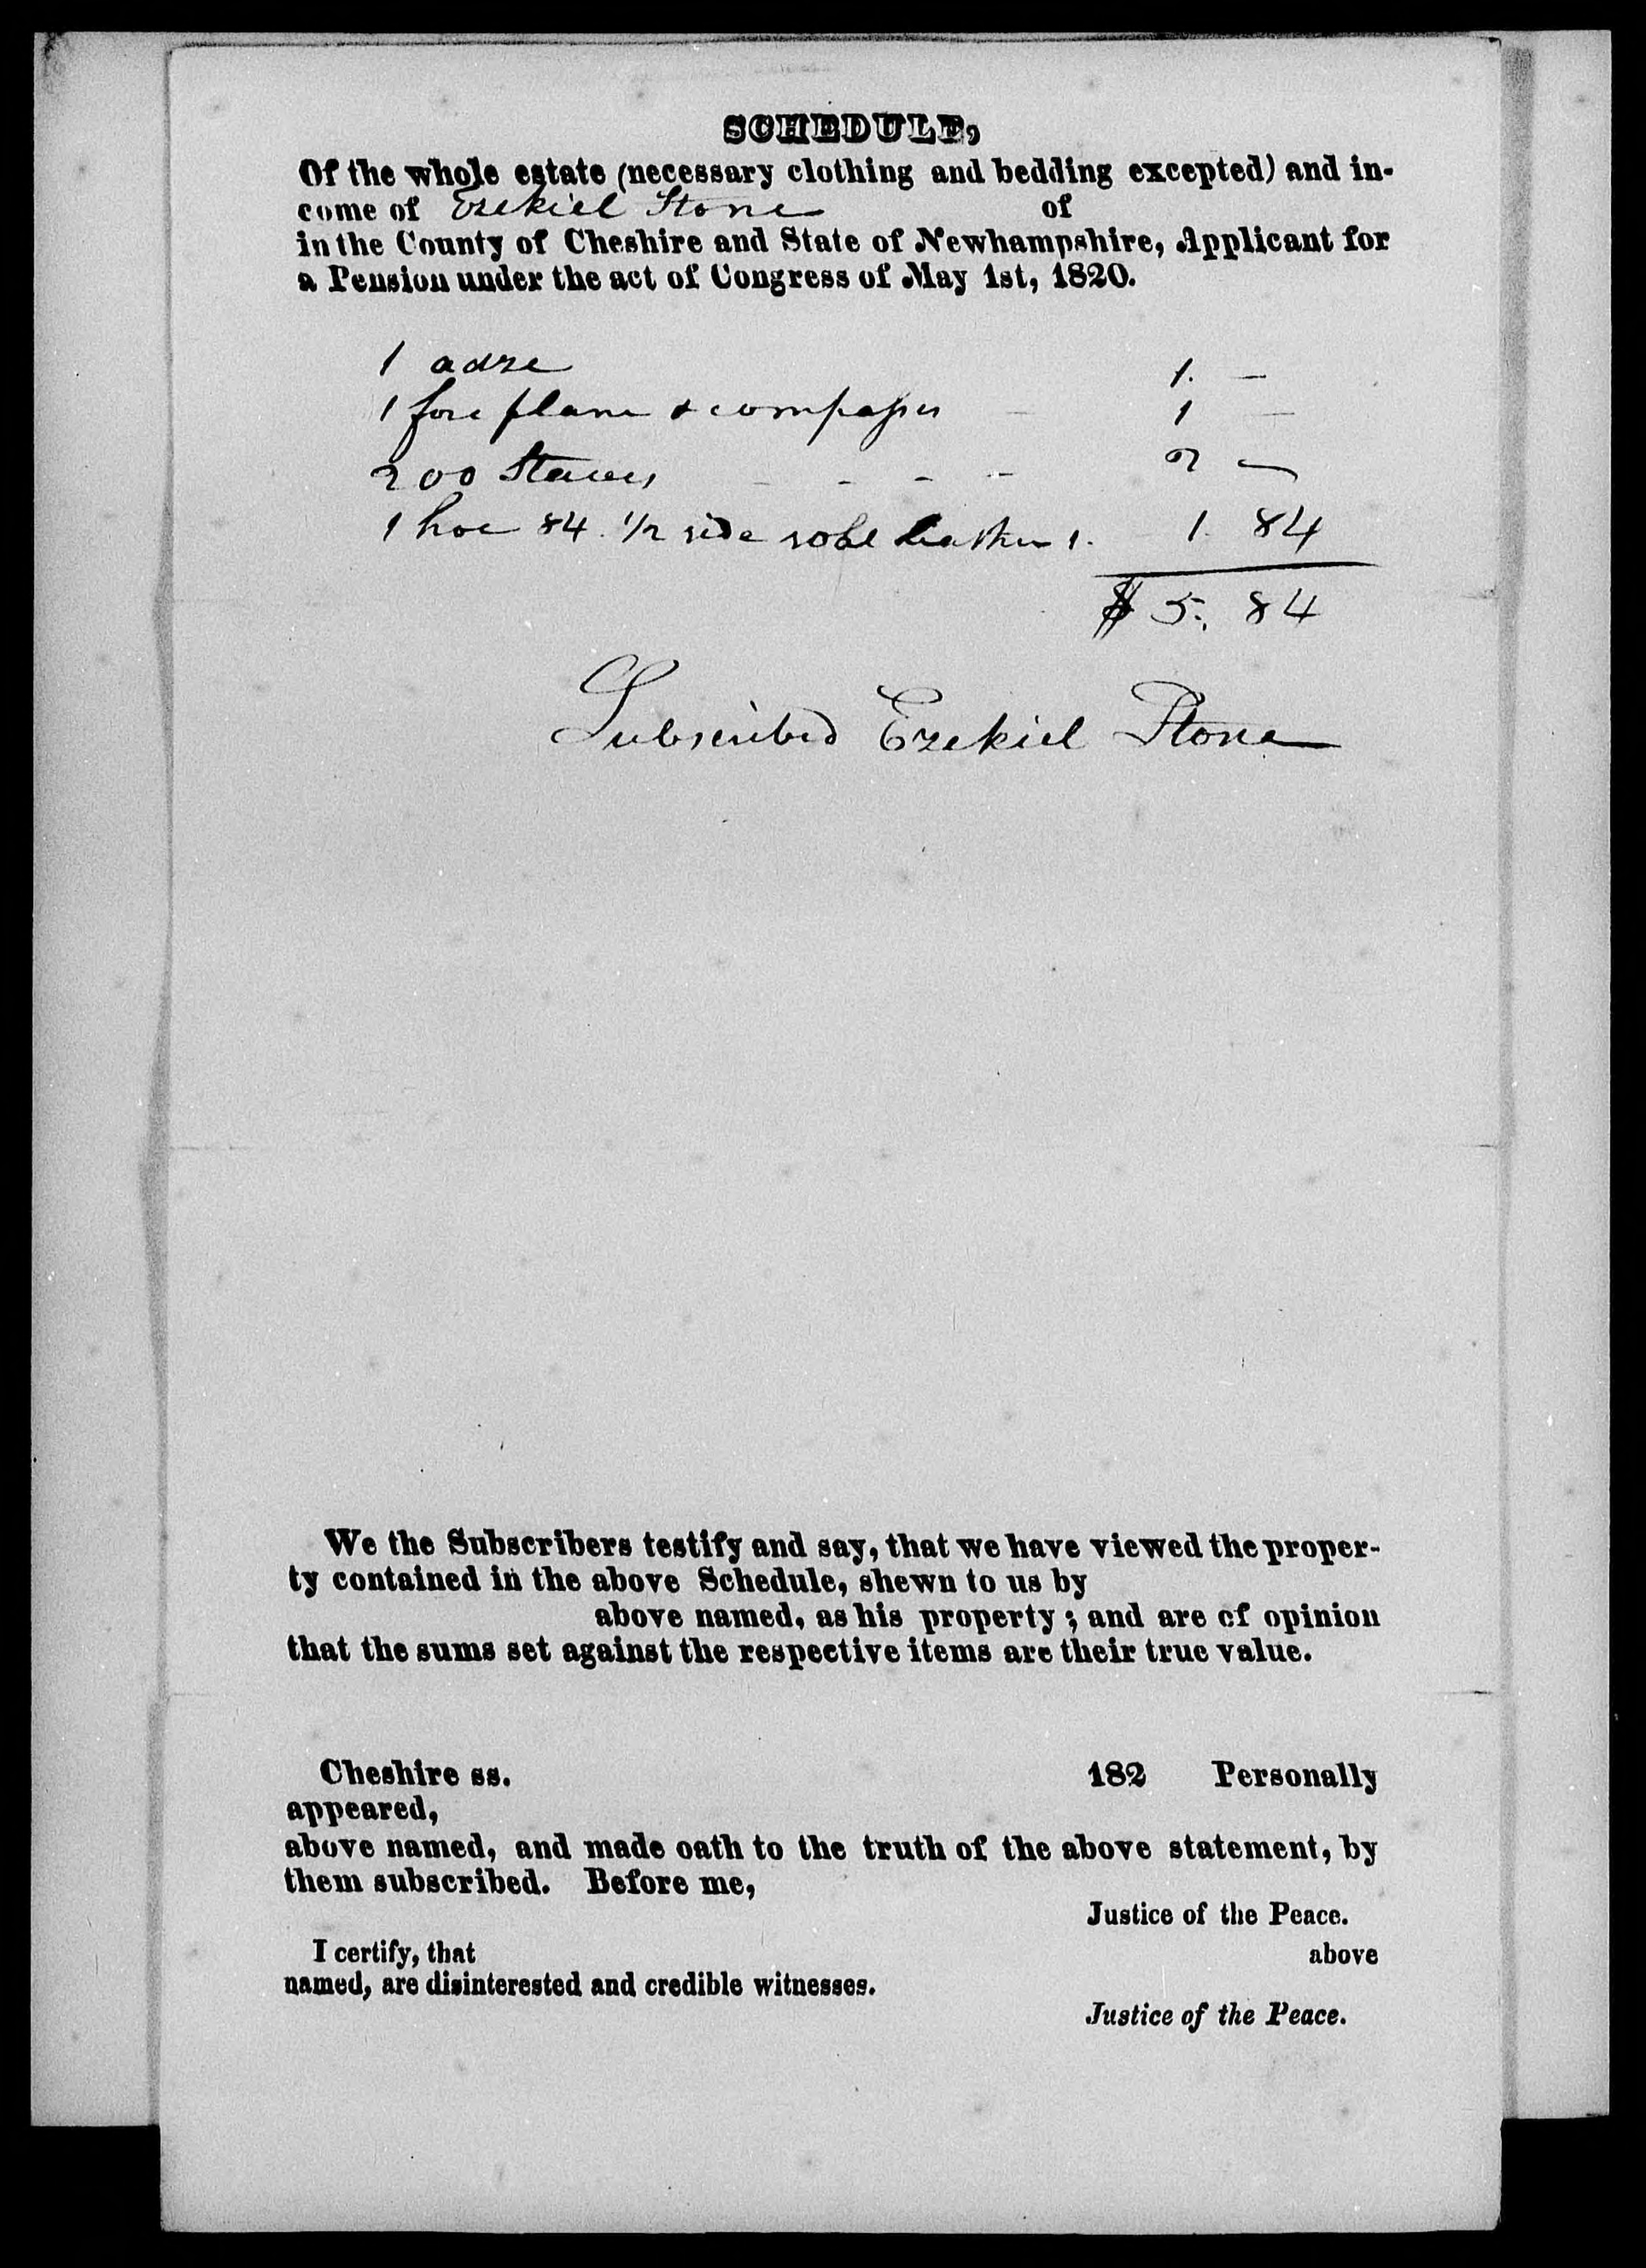SCHEDULE,
Of the whole estate (necessary clothing and bedding excepted) and income of Ezekiel Stone of in the County of Cheshire and State of Newhampshire, Applicant for a Pension under the act of Congress of May 1st, 1820.

1 adze...............................................................1--
1 fore plane & compafss...........................1--
200 Stacers......................................................2--
1 hoe 84.  1/2 side roal leather 1...........1.84
..........................................................................__________
..........................................................................$5.84

Subscribed Ezekiel Stone

We the Subscribers testify and say, that we have viewed the property contained in the above Schedule, shewn to us by          above named, as his property; and are of opinion that the sums set against the respective items are their true value.

Cheshire ss.             182    Personally appeared,
           above named, and made oath to the truth of the above statement, by them subscribed.   Before me,
Justice of the Peace.

I certify, that                above named, are disinterested and credible witnesses.
Justice of the Peace.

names: Ezekiel Stone; Ezekiel Stone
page: 10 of 38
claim: survivor's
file: S. 43181, for Ezekiel Stone, New Hampshire